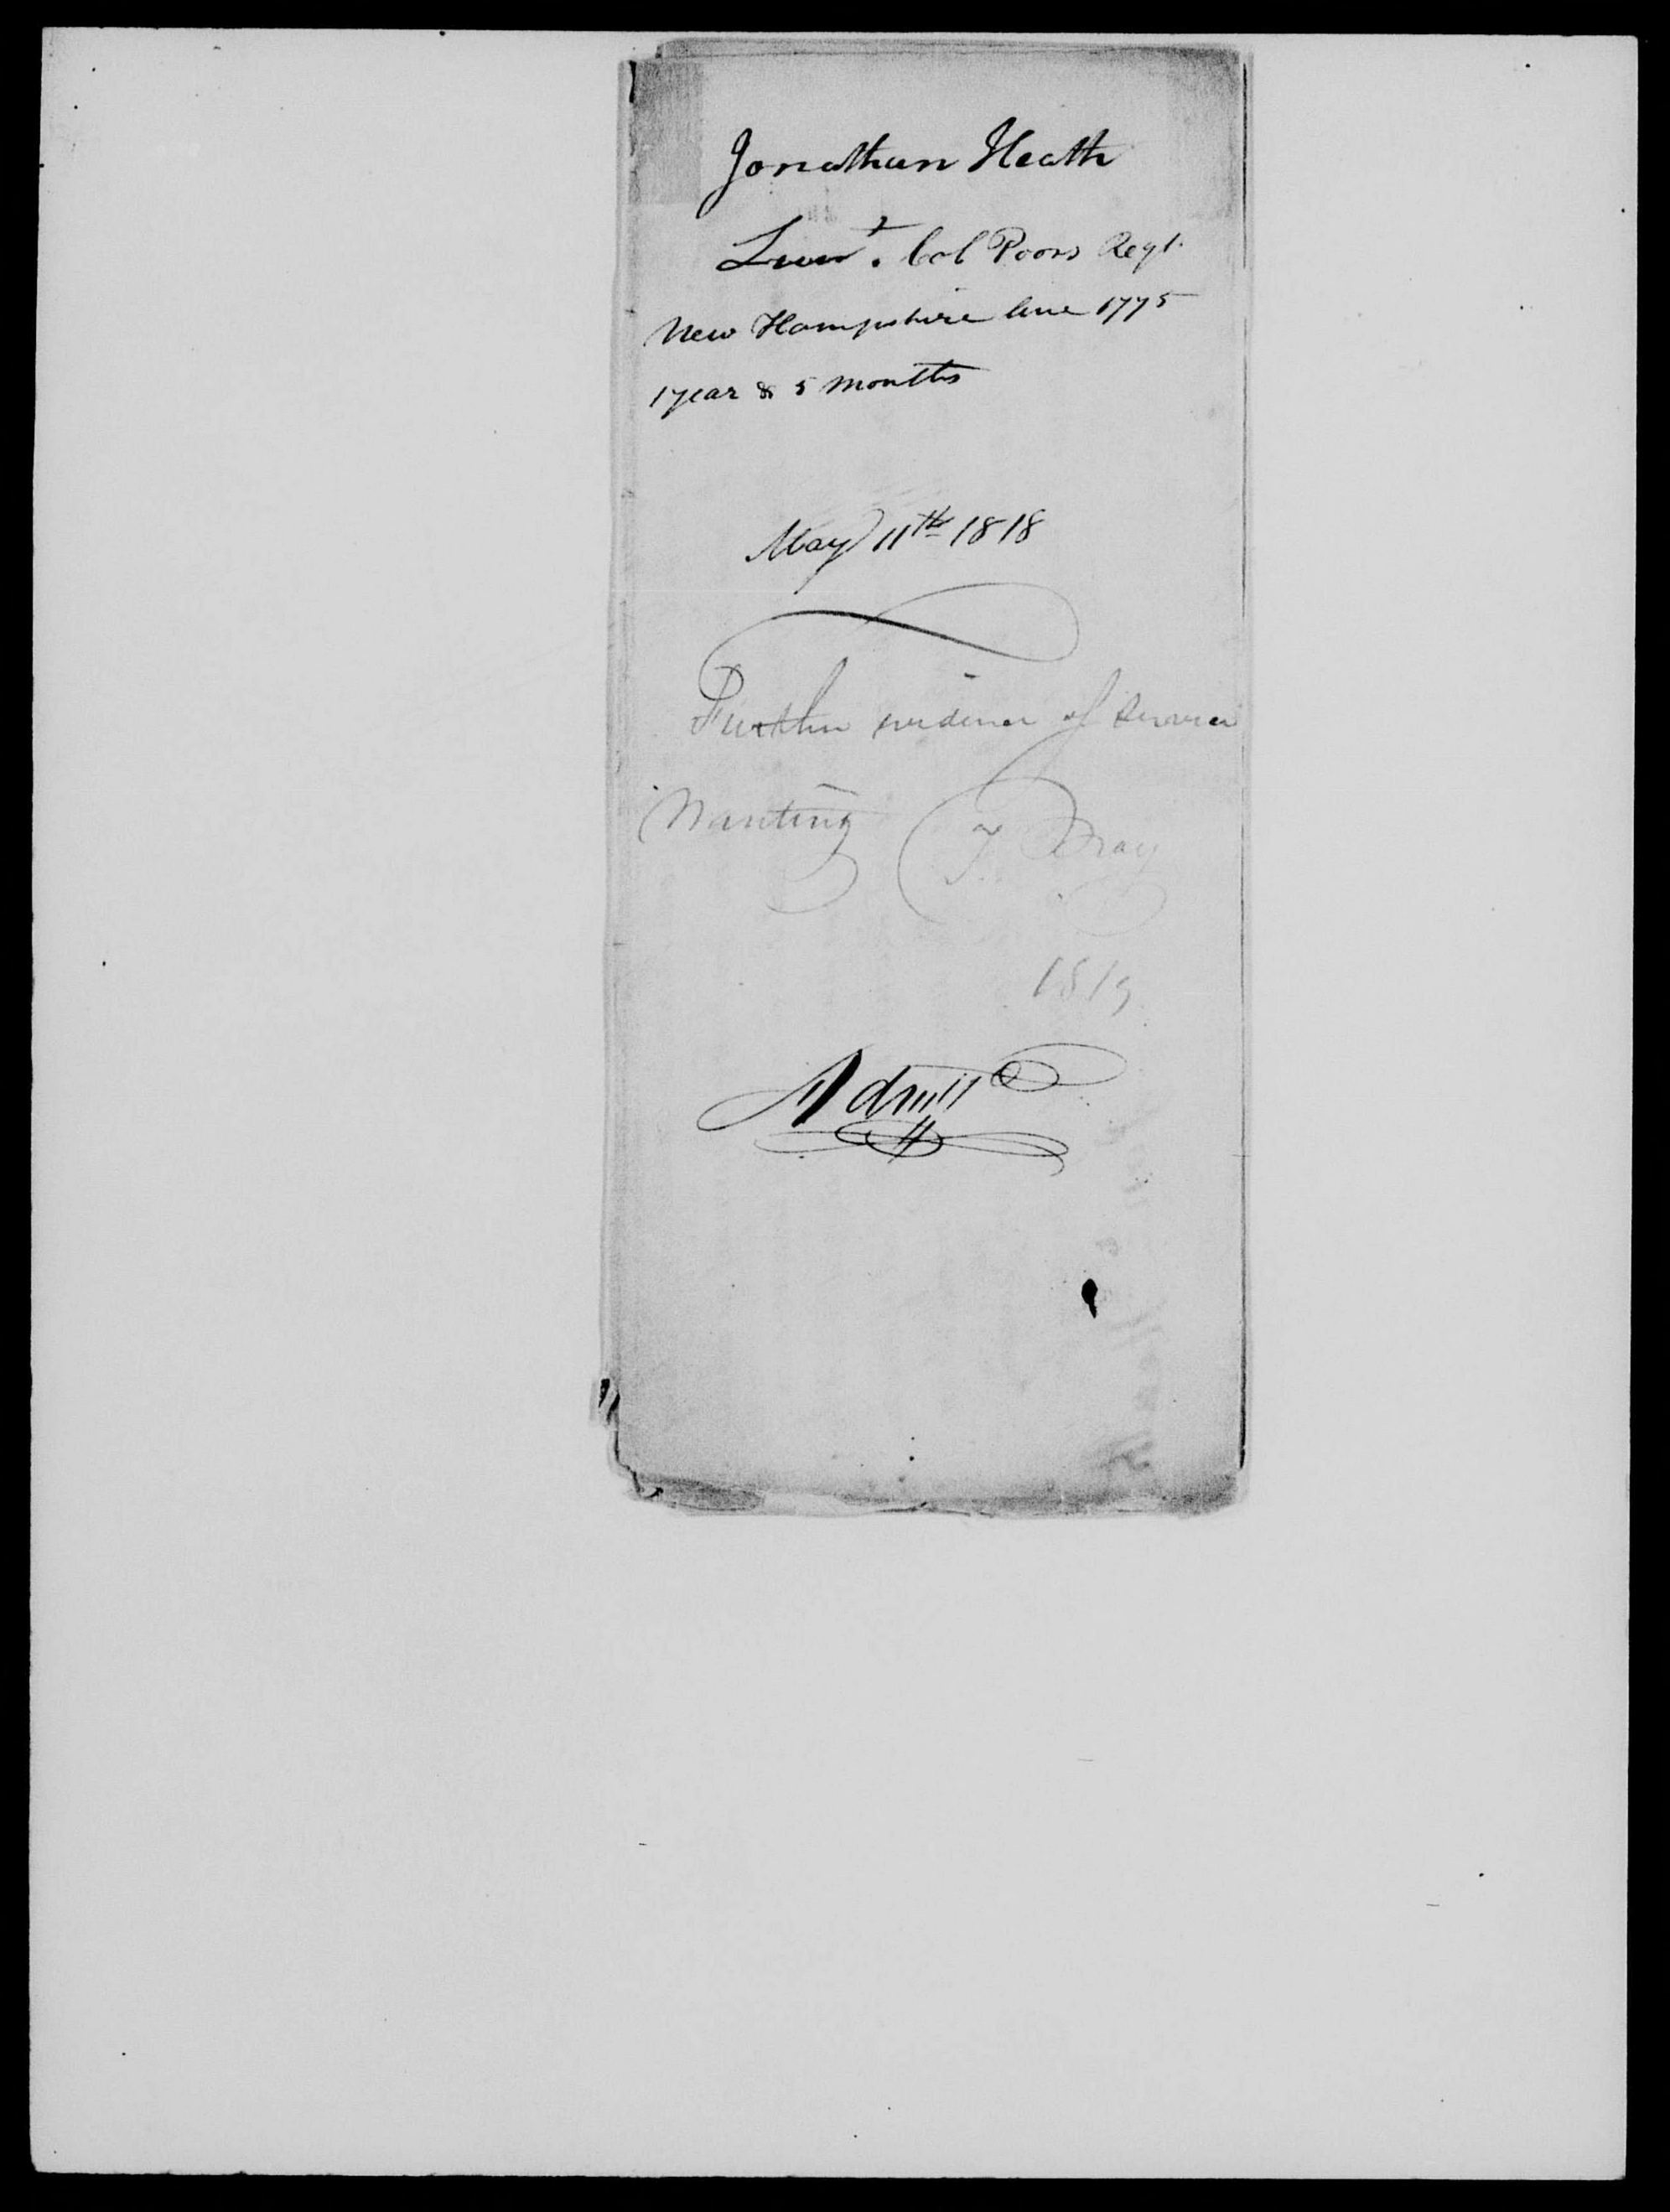Jonathan Heath
Lieut & Col Poors Regt  New Hampshire line 1775 year & 5 months

May 11th 1818
-
Further evidence of service
wanting 7 May 1819
Adm.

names: Jonathan Heath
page: 3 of 22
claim: survivor's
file: S. 38821, Jonathan Heath, Continental N.H.